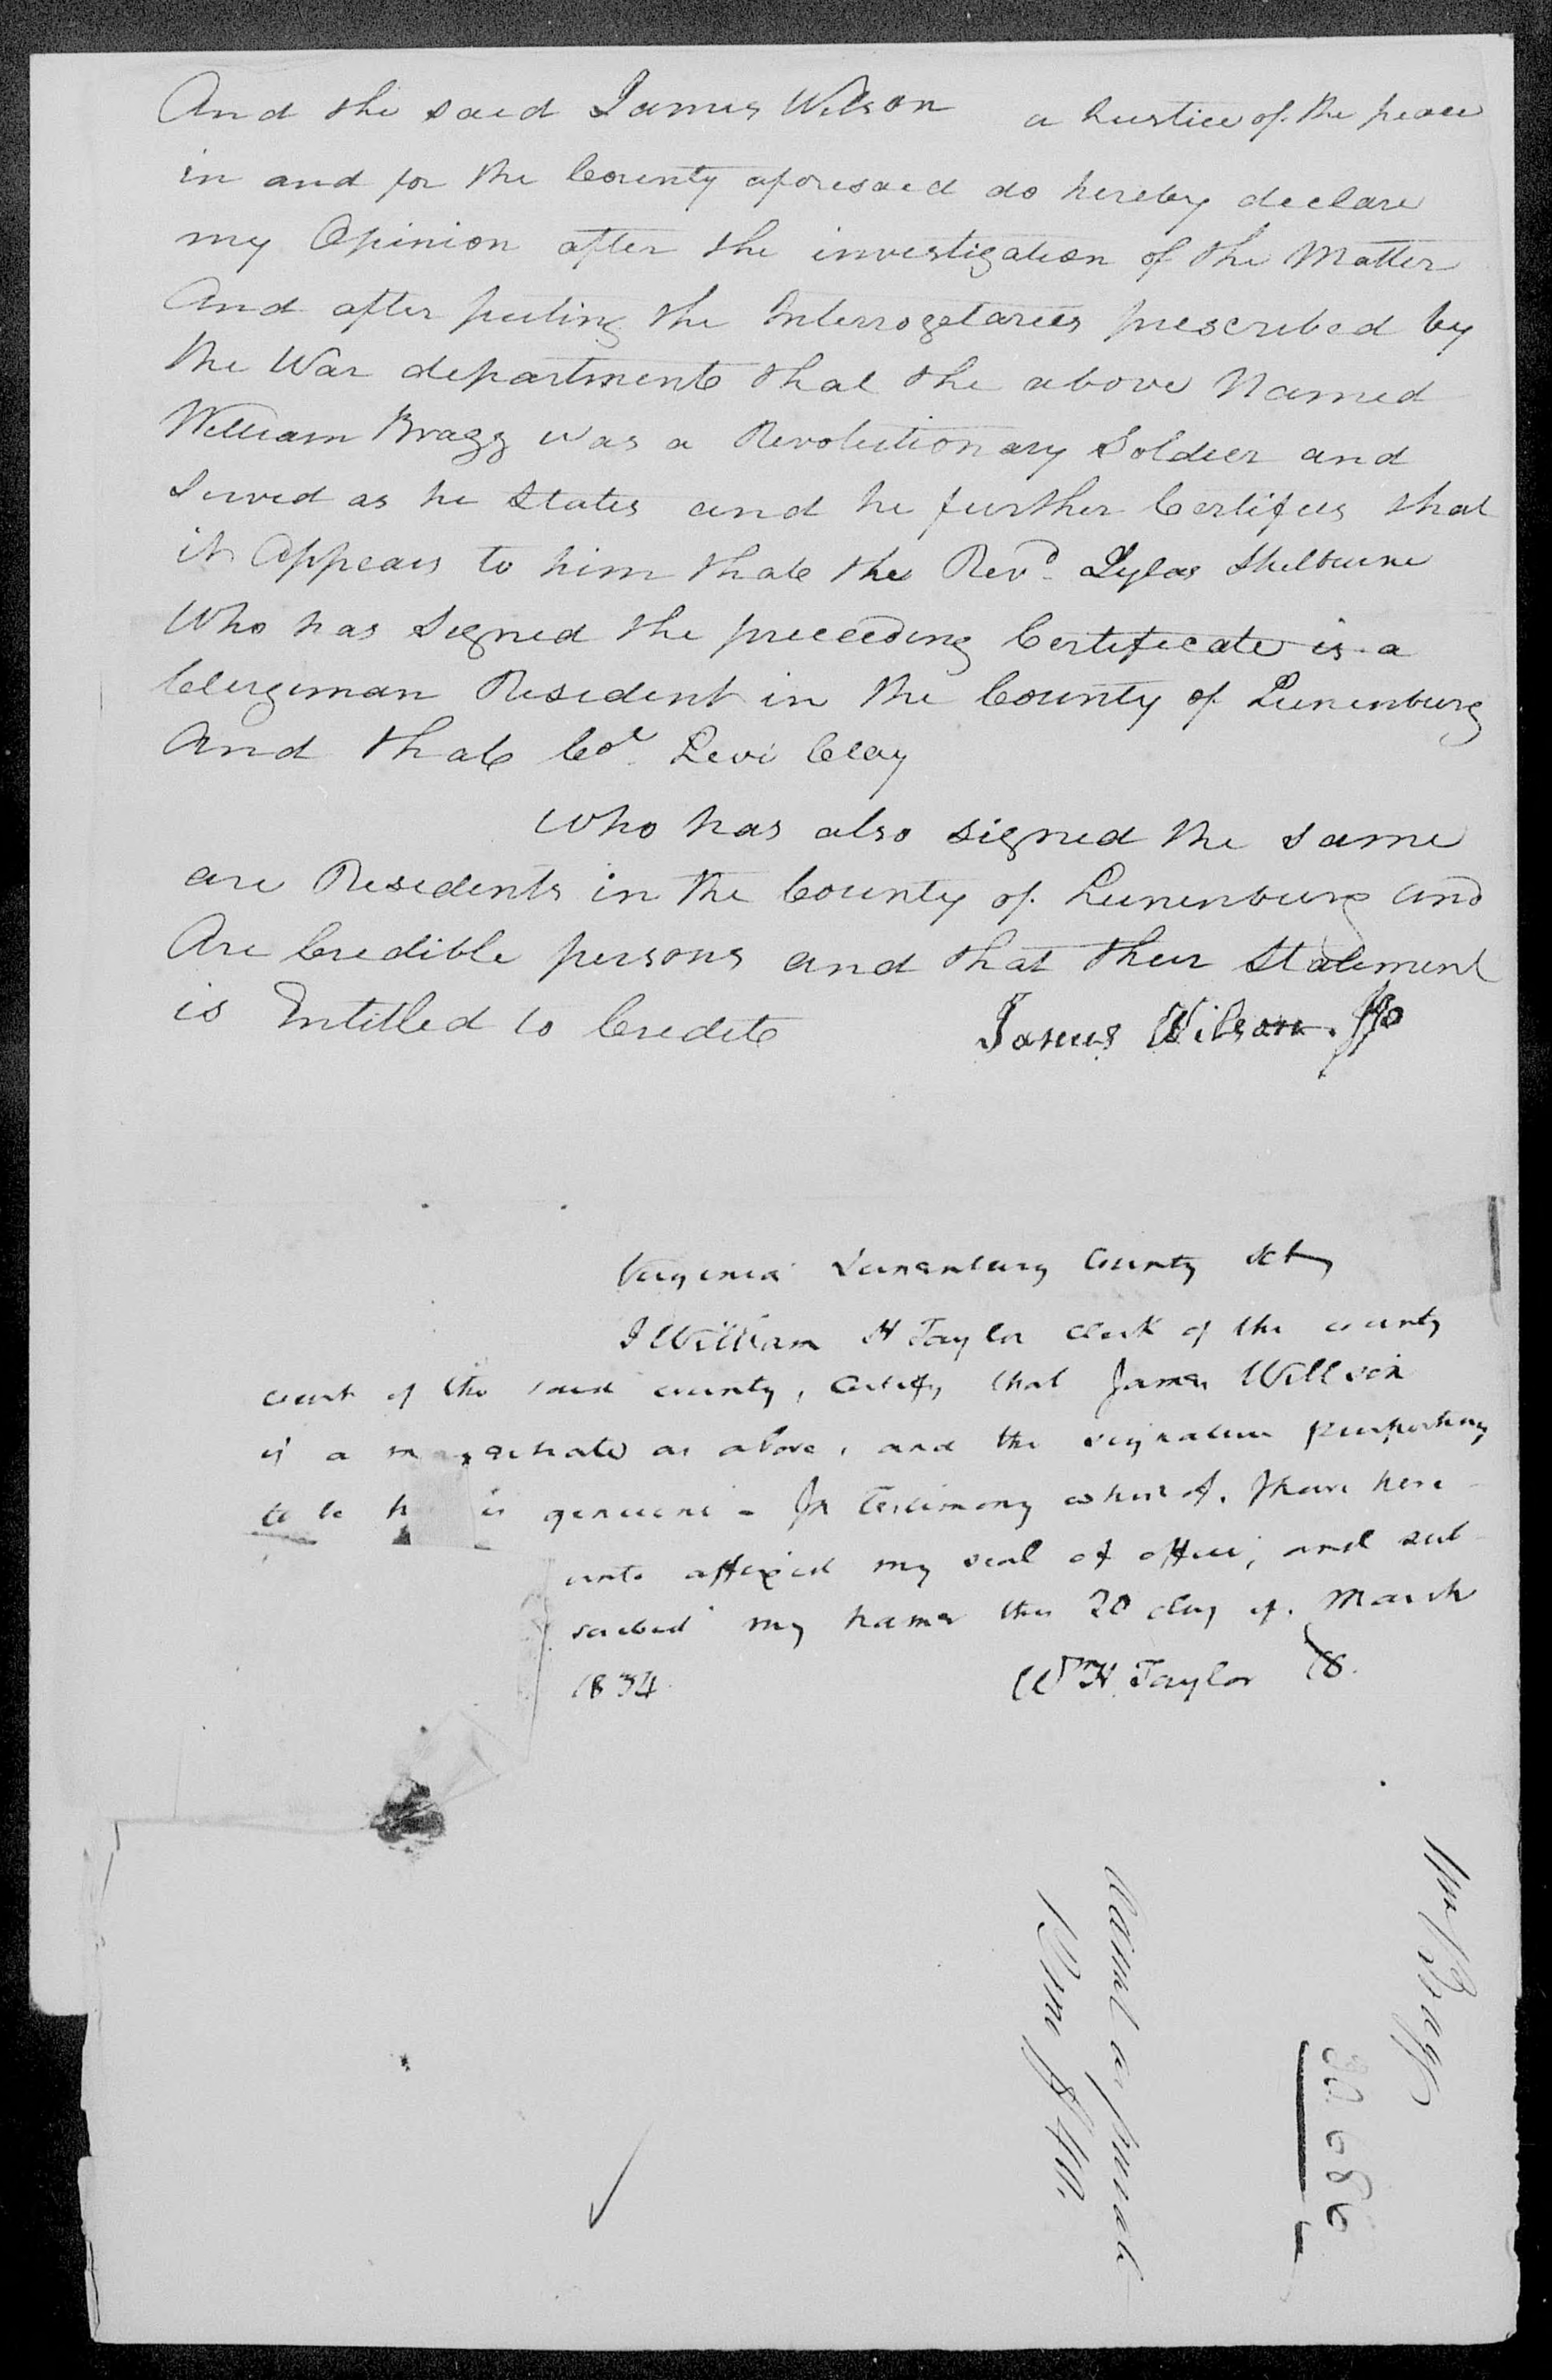And the said James Wilson a Justice of the peace in and for the County aforesaid do hereby declare my opinion after the investigation of the matter and after puting [putting] the Interrogatories prescribed by the war department that the above named William Bragg was a Revolutionary Soldier and served as he states and he further certifies that it appears to him that the Revd [Reverend] Sylas Shelburne who has signed the preceding certificate is a Clergyman Resident in the County of Lunenburg and that Col. Levi Clay who has also signed the same are residents in the County of Lunenburg and are credible persons and that their statement is entitled to Credit 
James Wilson J.P.

Virginia Lunenburg County Sct 
I William H Taylor Clerk of the county Court of the said county, certify that James Wilson is a magistrate as above, and the signature purporting to be is genuine - In Testimony where I have here affixed my seal of office, and subscribed my name this 20 day of March 1834
Wm Taylor Clk [Clerk] 

[written sideways] Wm Bragg 30,688
Admt [Admitted] as private 
12 mo. $40.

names: William Bragg, Levi Clay, James Willson, Wm H Taylor, James Wilson, James Wilson, Wm Bragg, Sylas Shelburne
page: 7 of 19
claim: widow's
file: W. 2517, William Bragg, Va.